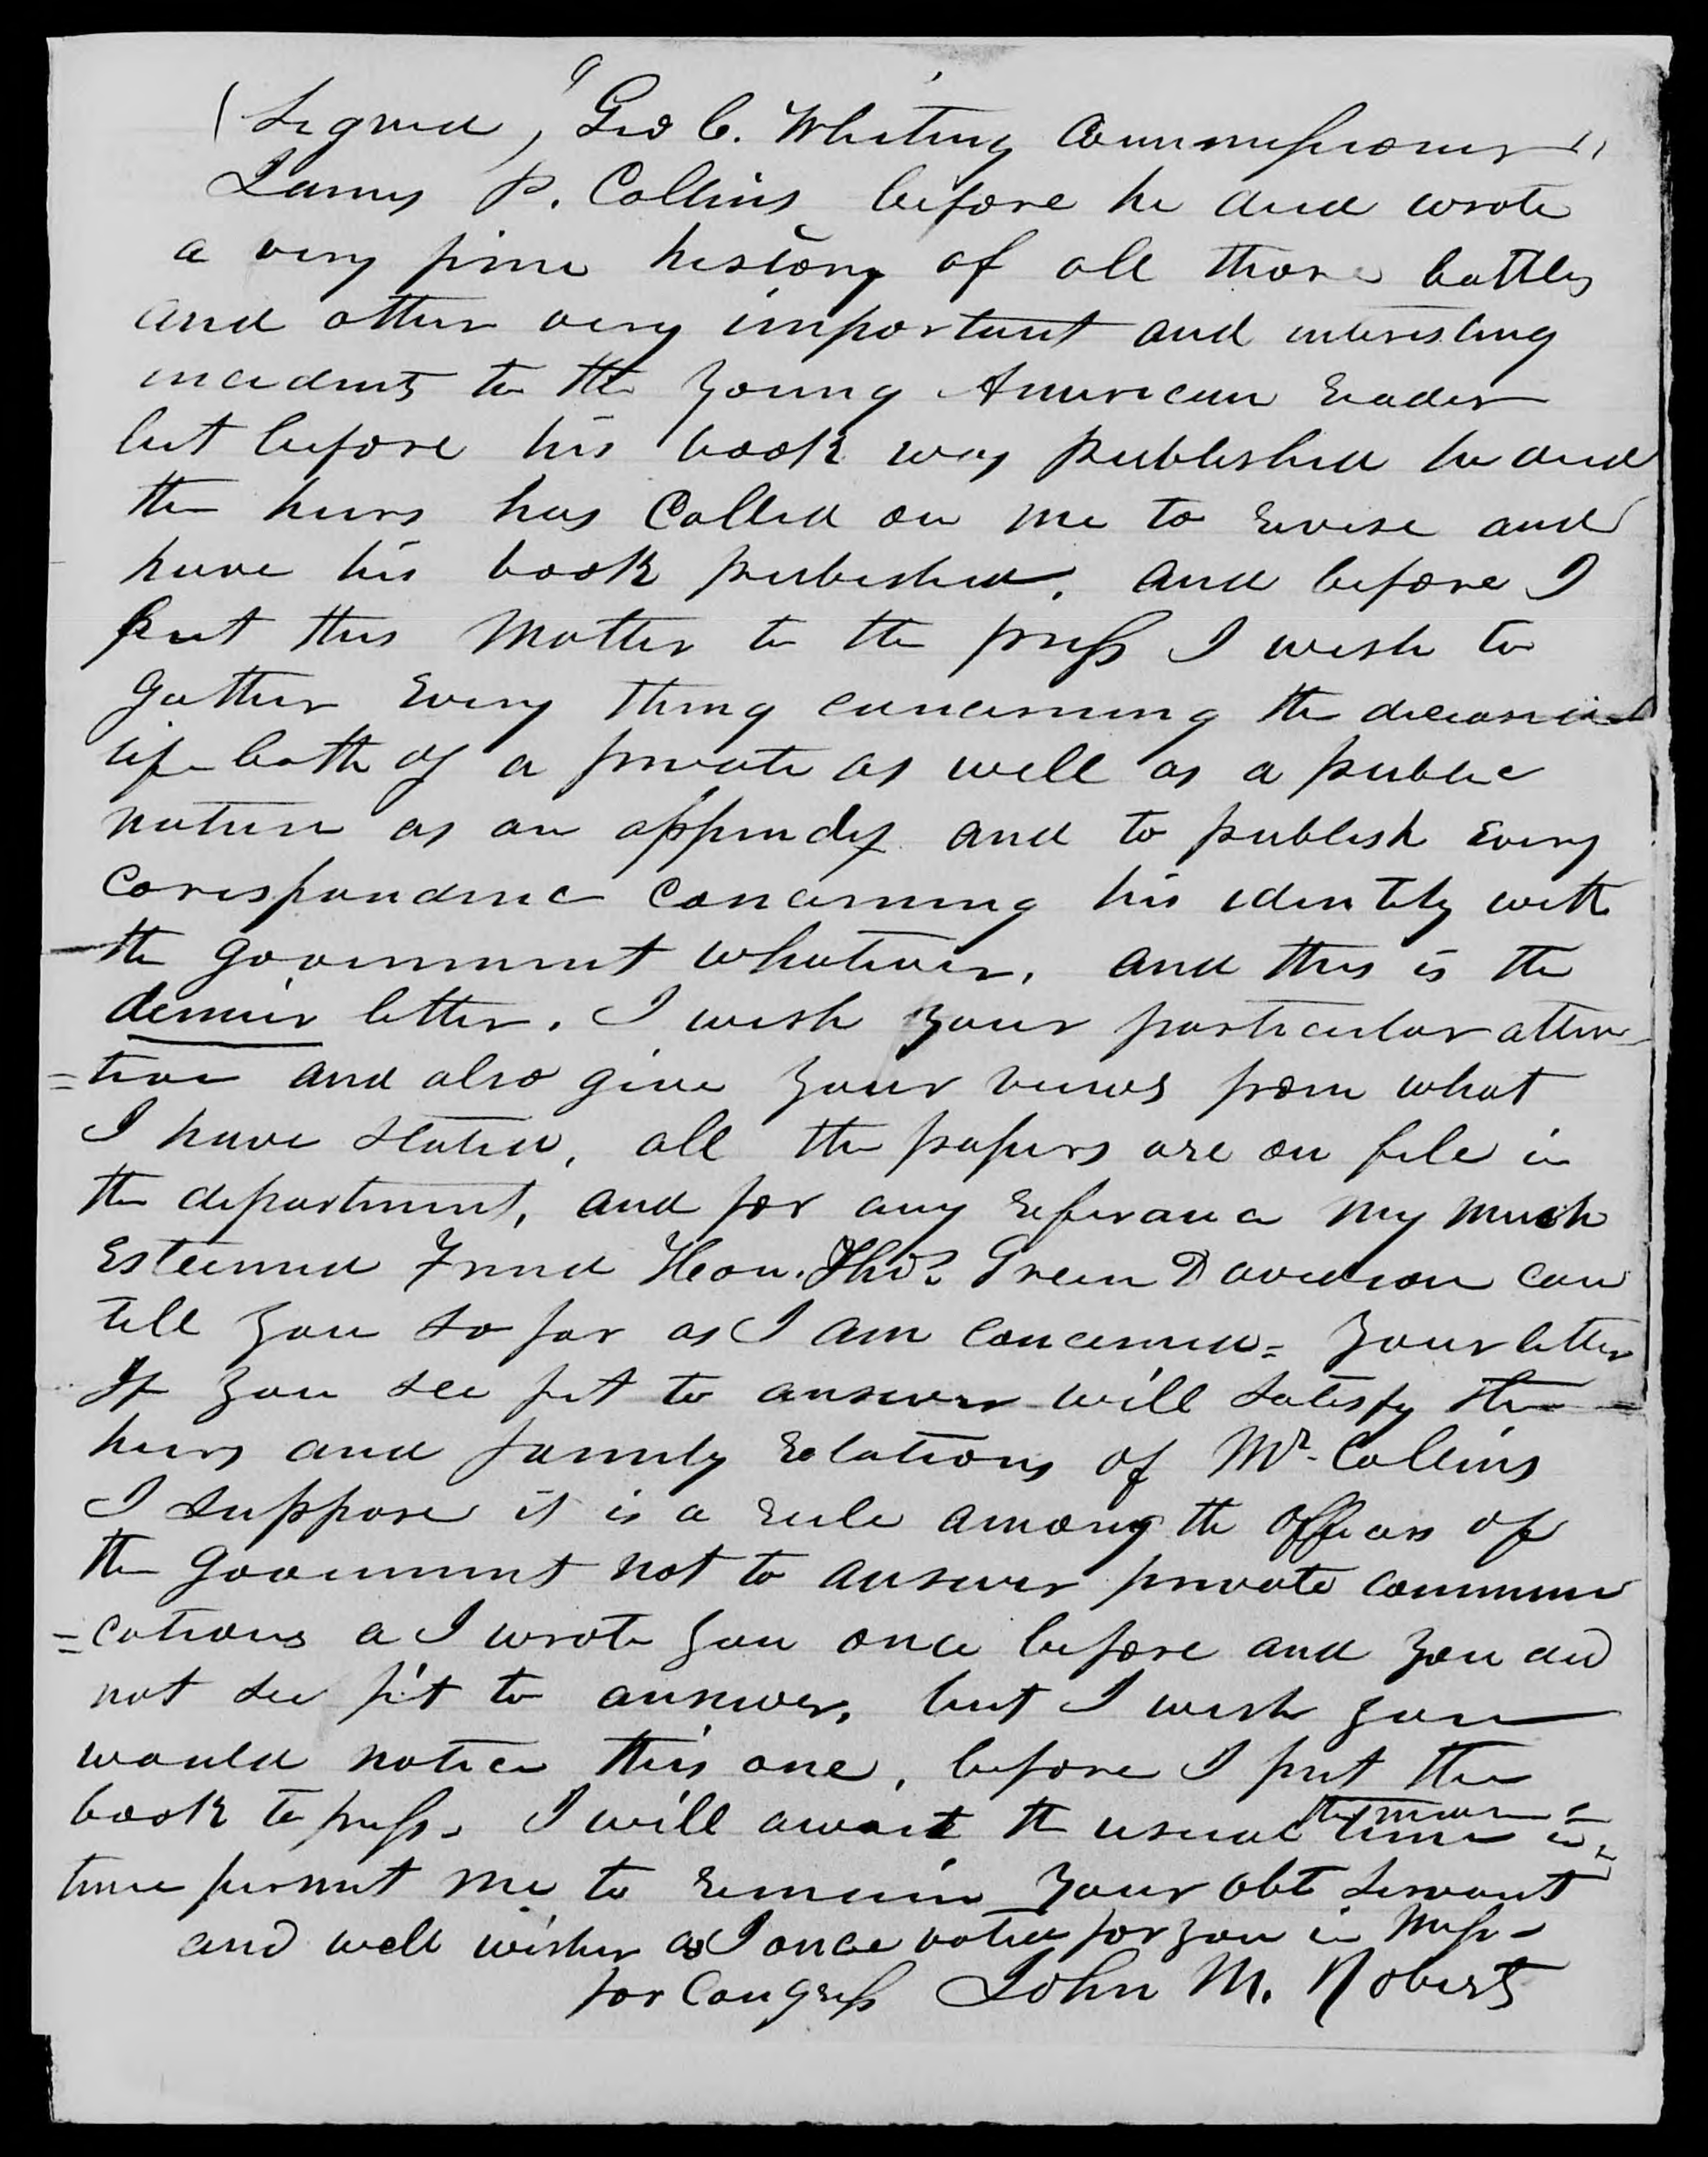(Signed), Geo. C. Whitney Commissioner

James P. Collins before he died wrote a very fine history of all those battles and other very important and interesting incident to the Young American Reader, but before his book was published be and the heirs has called on me to revise and have his book published, and before I
but this matter to the press I wish to gather every thing concerning the deceased life both of a private as well as a public nature as an appendix and to publish every correspondence concerning his identity with the government whatever, and this is the the [illegible] letter, I wish your particular attention and also give your views from what I have stated, all the papers are on file in the department, and for any reference my much Esteemed friend Hon. Thos Green Davidson can tell you so far as I am concerned - your letter If you see fit to answer will satisfy the heirs and family relation of Mr .Collins

I suppose it is a rule among the officers of the government not to answer private communications as I wrote you once before and you did not see fit to answer, but I wish you would notice this one, before I put the book to press. I will wait the usual time as time permits me to remain your obt Servant and well wisher I once voted for you in Miss for Congress 
[signed] John M. Roberts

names: James P Collins, John M Roberts, Geo C Whiting, Thos Green Davidson, Collins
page: 32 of 48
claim: rejected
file: R. 2173, James P Collins, S. C.